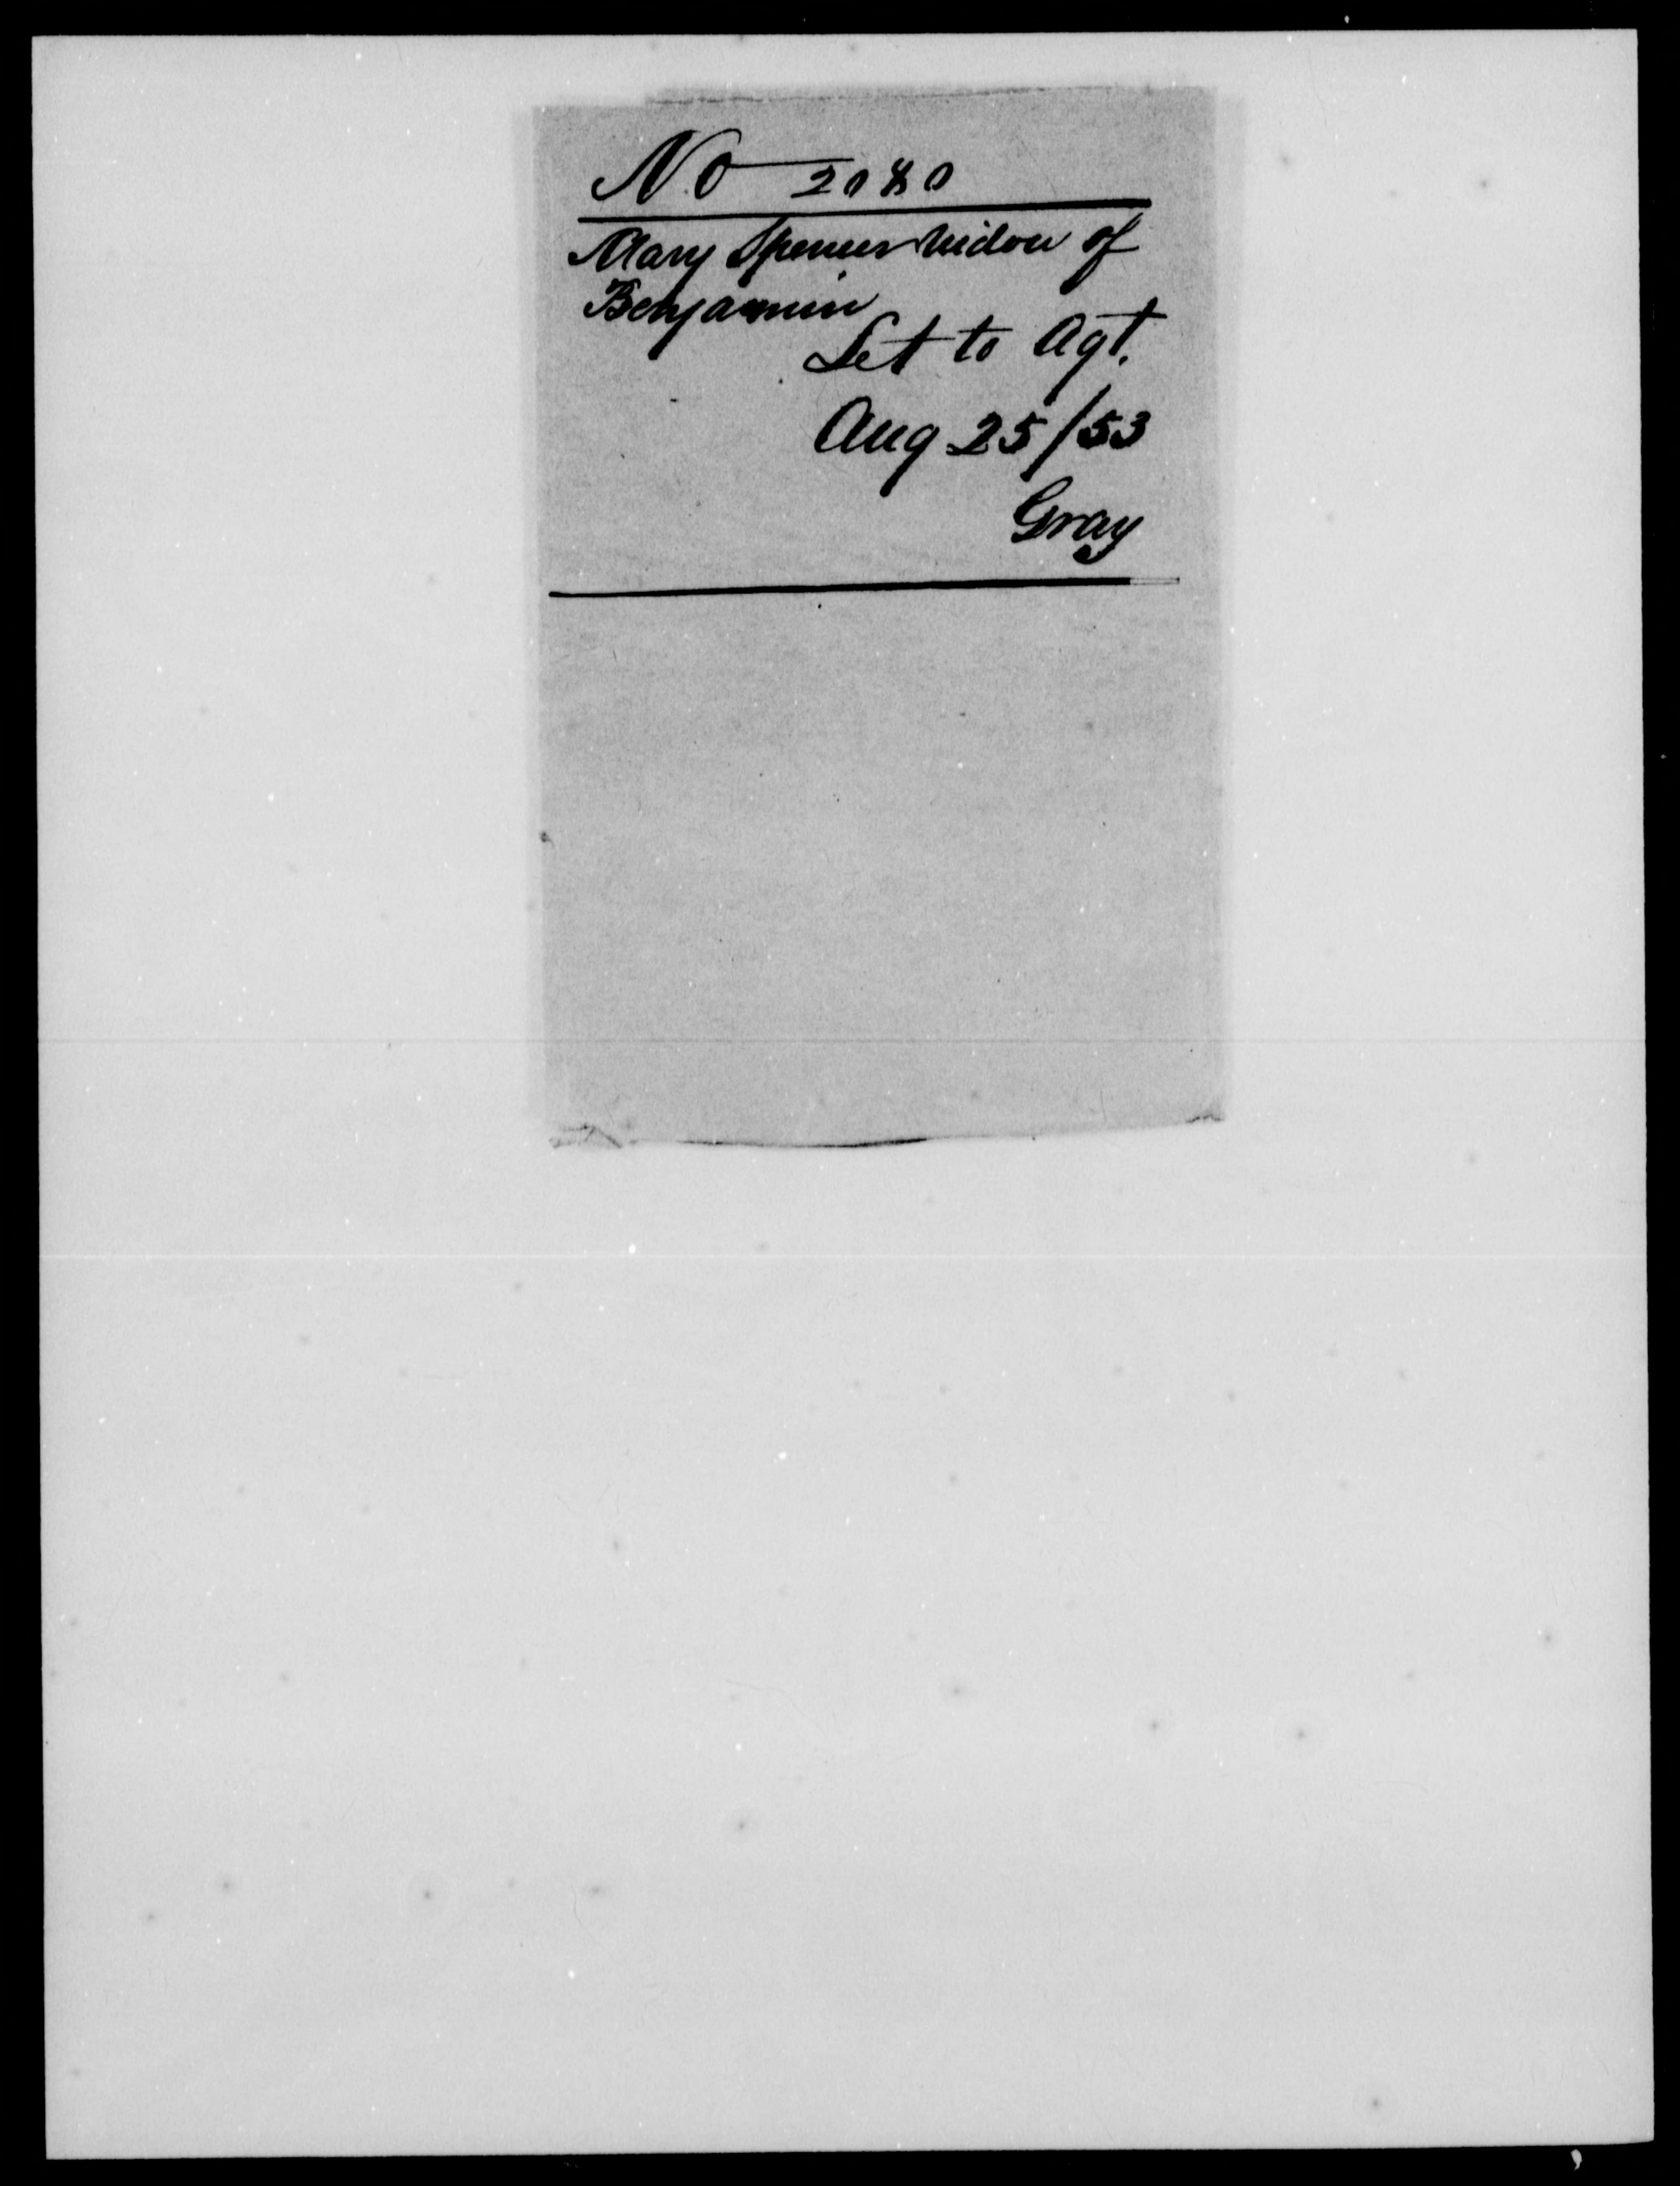No. 2080
---
Mary Spencer widow of
Benjamin
Let.to agt.
Aug 25/53
Gray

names: Mary Spencer; Benjamin Spencer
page: 34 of 63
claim: widow's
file: W. 6158, for Benjamin Spencer, North Carolina